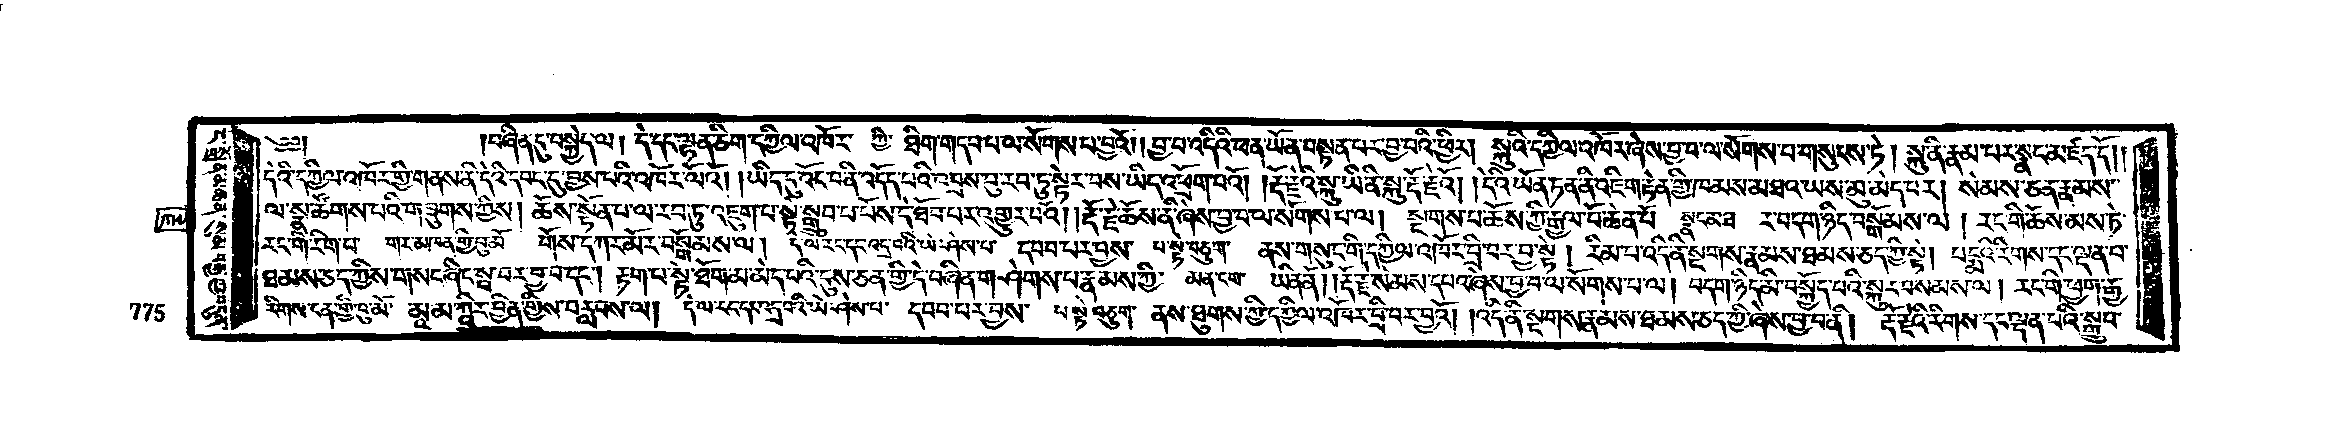༄༅། །བཞིན་དུ་བསྐྱེད་ལ། དེ་དང་ལྷན་ཅིག་དཀྱིལ་འཁོར་ཀྱི་ཐིག་གདབ་པ་ལ་སོགས་པ་བྱའོ། །བྱ་བ་འདིའི་ཕན་ཡོན་བསྟན་པར་བྱ་བའི་ཕྱིར། སྐུའི་དཀྱིལ་འཁོར་ཞེས་བྱ་བ་ལ་སོགས་པ་གསུངས་ཏེ། སྐུ་ནི་རྣམ་པར་སྣང་མཛད་དོ།།
དེའི་དཀྱིལ་འཁོར་གྱི་གནས་ནི་དེའི་དབང་དུ་བྱས་པའི་འཁོར་ལོའོ། །ཡིད་དུ་འོང་བ་ནི་འདོད་པའི་འབྲས་བུ་རབ་ཏུ་སྟེར་བས་ཡིད་འཕྲོག་པའོ། །རྡོ་རྗེའི་སྐུ་ཡི་ནི་སྐུ་རྡོ་རྗེའོ། །དེའི་ཡོན་ཏན་ནི་འཇིག་རྟེན་གྱི་ཁམས་མཐའ་ཡས་མུ་མེད་པར། སེམས་ཅན་རྣམས་
ལ་སྣ་ཚོགས་པའི་གཟུགས་ཀྱིས། ཆོས་སྟོན་པ་ལ་རབ་ཏུ་འཇུག་པ་སྟེ་སྒྲུབ་པ་པོས་དེ་ཐོབ་པར་འགྱུར་བའོ། །རྡོ་རྗེ་ཆོས་ནི་ཞེས་བྱ་བ་ལ་སོགས་པ་ལ། སྔགས་པ་ཆོས་ཀྱི་རྒྱལ་པོ་ཆེན་པོ་སྣང་མཐར་བདག་ཉིད་བསྒོམས་ལ། རང་གི་ཆོས་མས་ཏེ་
རང་གི་རིག་པ་གར་མཁན་གྱི་བུ་མོ་གོས་དཀར་མོར་བསྒོམས་ལ། དེ་ལ་རང་དང་འདྲ་བའི་ཡེ་ཤེས་པ་དབབ་པར་བྱས་པ་སྟེ་བཅུག་ནས་གསུང་གི་དཀྱིལ་འཁོར་བྲི་བར་བྱ་སྟེ། རིམ་པ་འདི་ནི་སྔགས་རྣམས་ཐམས་ཅད་ཀྱི་སྟེ། པདམའི་རིགས་དང་ལྡན་པ་
ཐམས་ཅད་ཀྱིས་གསང་ཞིང་སྦ་བར་བྱ་བ་དང་། རྟག་པ་སྟེ་ཐོག་མ་མེད་པའི་དུས་ཅན་གྱི་དེ་བཞིན་གཤེགས་པ་རྣམས་ཀྱི་མན་ངག་ཡིན་ནོ། །རྡོ་རྗེ་སེམས་དཔའ་ཞེས་བྱ་བ་ལ་སོགས་པ་ལ། བདག་ཉིད་མི་བསྐྱོད་པའི་སྐུར་བསམས་ལ། རང་གི་ཕྱག་རྒྱ་
རིགས་ངན་གྱི་བུ་མོ་མཱ་མ་ཀཱིར་བྱིན་གྱིས་བརླབས་ལ། དེ་པ་ངང་དང་འདྲ་བའི་ཡེ་ཤེས་པ་དབབ་པར་བྱས་པ་སྟེ་བཅུག་ནས་ཐུགས་ཀྱི་དཀྱིལ་འཁོར་བྲི་བར་བྱའོ། །འདི་ནི་སྔགས་རྣམས་ཐམས་ཅད་ཀྱི་ཞེས་བྱ་བ་ནི། རྡོ་རྗེའི་རིགས་དང་ལྡན་པའི་སྒྲུབ་